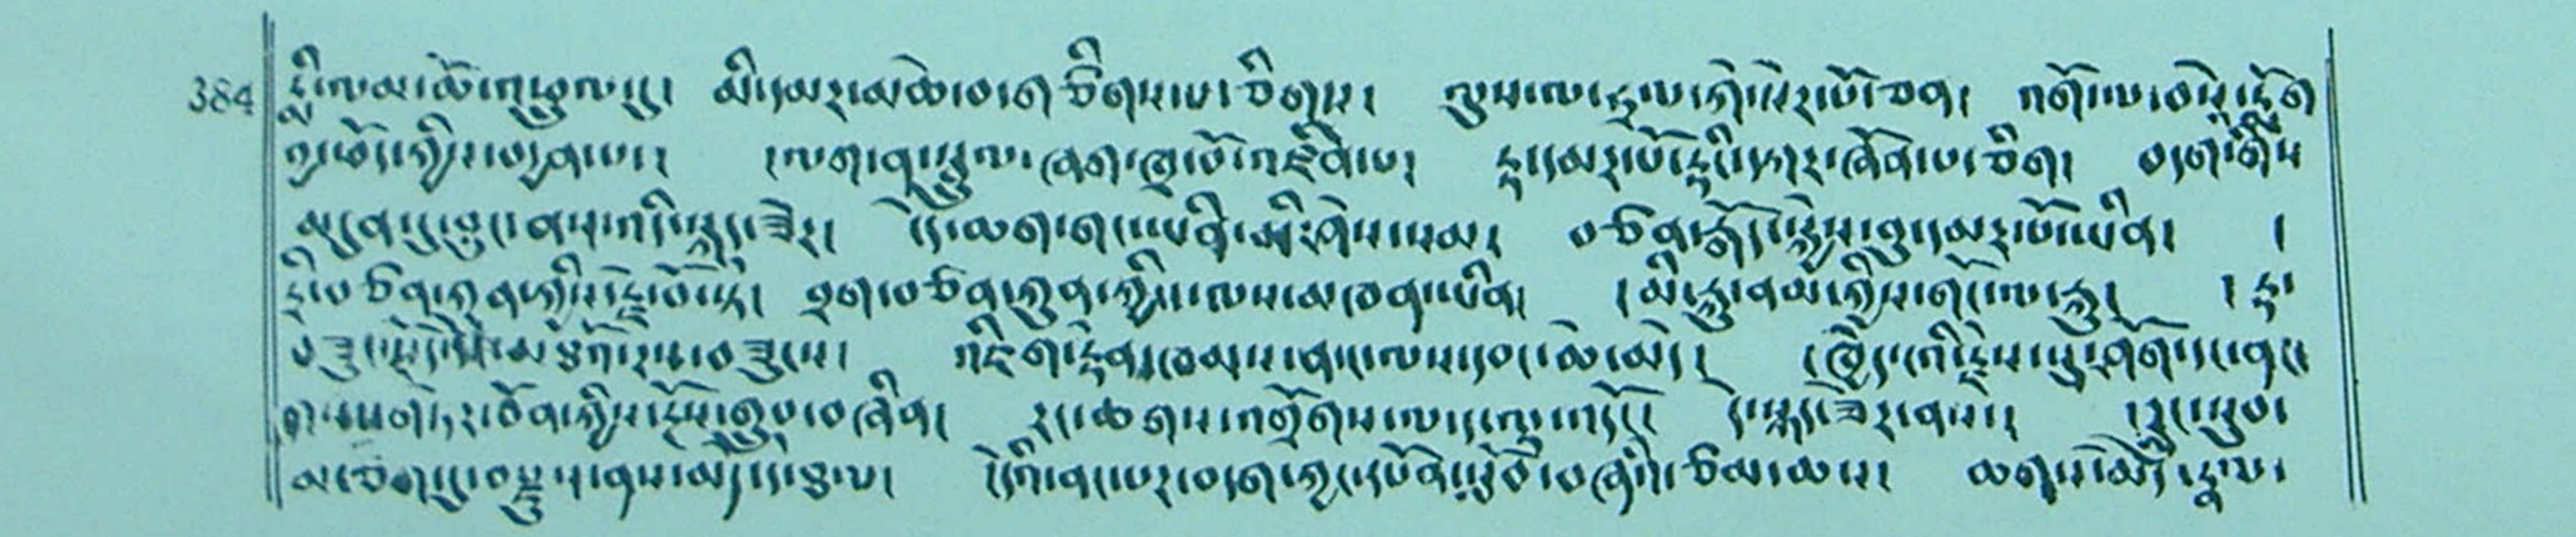རྨི་ལམ་ཆོ་འཕྲུལ་དུ། མི་དམར་མཆེ་བ་གཙིགས་པ་ཅིག ལུས་ལ་ཧྲལ་ཀེ་སེར་པོ་ཅན། མགོ་ལ་བསེ་རྨོག་
བྱ་ཕོད་ཀྱིས་བརྒྱན་པ། ལག་ན་སྦྲུལ་ཞགས་ཁྲ་བོ་འཛིན་པ། རྟ་དམར་པོ་རྟིང་དཀར་ཞོན་པ་ཅིག བདག་གིས་
མདུན་དུ་བྱུང་ནས་འདི་སྐད་ཟེར། ངེད་ཅག་གང་ཡིན་མི་ཤེས་སམ། བཙན་རྒོད་སྐྱེས་བུ་དམར་པོ་ཡིན། 
དྲི་བཙན་ཀུན་ཀྱི་རྗེ་བོ་སྟེ། བྲག་བཙན་ཀུན་ཀྱི་ལས་མཁན་ཡིན། མི་རྐུ་ནམ་གྱི་གོང་ལ་རྐུ། རྟ་
བཟུང་སྲོད་དང་མཐོའ་རས་བཟུང་། འཇིག་རྟེན་ཁམས་ན་ང་ལས་དབང་ཆེ་མེད། ཁྱེད་ངའི་རྗེས་སུ་ཤོག་དང་ནང་
གསང་གཏེར་བོན་གྱིས་རྔོས་གྲུབ་བཞིན། རང་ཆགས་འགྲོགས་ལ་ད་ལྟ་འདོང་། དེ་སྐད་ཟེར་ནས། རླུང་སུབ་
མ་ཅིག་ཏུ་བརྫུས་ནས་མེད་དེ་ཐལ། །དེའི་ནང་པར་བདག་ཀྱང་དཔོན་སློབ་བཞིའ་ཙམ་ཆས། ཆགས་མེད་རྣལ་